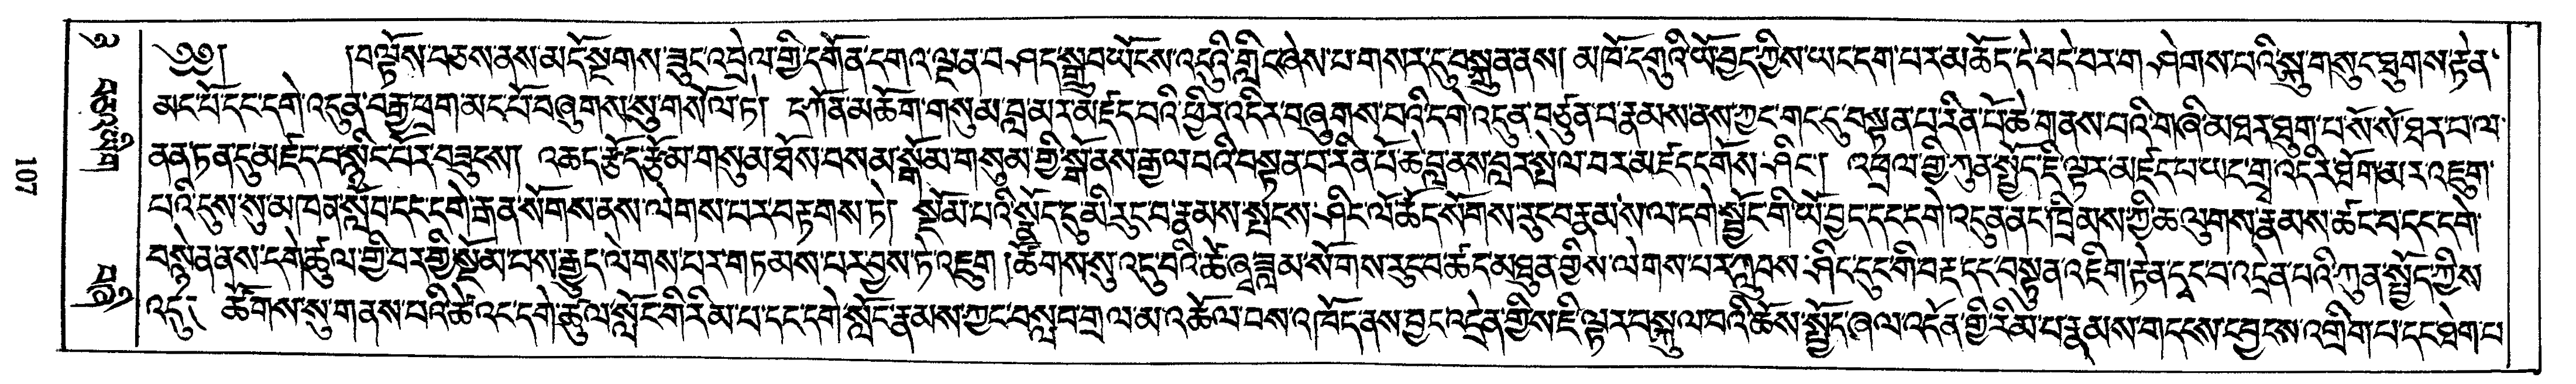༄༅། །བལྟོས་བཅས་ནས་མདོ་སྔགས་ཟུང་འབྲེལ་གྱི་དགོན་དགའ་ལྡན་བཤད་སྒྲུབ་ཡོངས་འདུའི་གླིང་ཞེས་པ་གསར་དུ་བསྐྲུན་ནས། མཁོ་དགུའི་ཡོ་བྱད་ཀྱིས་ཡང་དག་པར་མཆོད་དེ་བདེ་བར་གཤེགས་པའི་སྐུ་གསུང་ཐུགས་རྟེན་
མང་པོ་དང་དགེ་འདུན་བརྒྱ་ཕྲག་མང་པོ་བཞུགས་སུ་གསོལ་ཏེ། དཀོན་མཆོག་གསུམ་བླ་མར་མཛད་པའི་ཕྱིར་འདིར་བཞུགས་པའི་དགེ་འདུན་བཙུན་པ་རྣམས་ནས་ཀྱང་གང་དུ་བསྟན་པ་རིན་པོ་ཆེ་གནས་པའི་གཞི་མཐར་ཐུག་པ་སོ་སོ་ཐར་པ་ལ་
ནན་ཏན་དུ་མཛད་པ་སྙིང་པོར་བཟུངས། འཆད་རྩོད་རྩོམ་གསུམ་ཐོས་བསམ་སྒོམ་གསུམ་གྱི་སྒོ་ནས་རྒྱལ་བའི་བསྟན་པ་རིན་པོ་ཆེ་བླ་ནས་བླར་སྤེལ་བར་མཛད་དགོས་ཤིང་། འཕྲལ་གྱི་ཀུན་སྤྱོད་ཇི་ལྟར་མཛད་པ་ཡང་གྲྭ་འདིར་ཐོག་མར་འཇུག་
པའི་དུས་སུ་མཁན་སློབ་དང་དགེ་རྒན་སོགས་ནས་ལེགས་པར་བརྟགས་ཏེ། སྡོམ་པའི་སྣོད་དུ་མི་རུང་བ་རྣམས་སྤངས་ཤིང་ལོ་ཚོད་སོགས་རུང་བ་རྣམས་སྤངས་ཤིང་ལོ་ཚོད་སོགས་རུང་བ་རྣམས་ལ་དགེ་སྦྱོང་གི་ཡོ་བྱད་དང་དགེ་འདུན་ནང་ཁྲིམས་ཀྱི་ཆ་ལུགས་རྣམས་ཚང་བ་དང་དགེ་
བསྙེན་ནས་དགེ་ཚུལ་གྱི་བར་གྱི་སྡོམ་པས་རྒྱུད་ལེགས་པར་གཏམས་པར་བྱས་ཏེ་འཇུག །ཚོགས་སུ་འདུ་བའི་ཚེ་ཞྭ་ཟླམ་སོགས་རུང་བ་ཚད་མཐུན་གྱིས་ལེགས་པར་ཀླུབས་ཤིང་དུང་གི་བརྡ་དང་བསྟུན་འཇིག་རྟེན་དྭང་བ་འདྲེན་པའི་ཀུན་སྤྱོད་ཀྱིས་
འདུ༑ ཚོགས་སུ་གནས་པའི་ཚེའང་དགེ་ཚུལ་སློང་གི་རིམ་པ་དང་དགེ་སློང་རྣམས་ཀྱང་བསླབ་གྲལ་མ་འཆོལ་བས་འཁོད་ནས་བྱང་འདྲེན་གྱིས་ཇི་ལྟར་བསྐུལ་བའི་ཆོས་སྤྱོད་ཞལ་འདོན་གྱི་རིམ་པ་རྣམས་གདངས་དབྱངས་འགྲིག་པ་དང་ཐེག་པ་